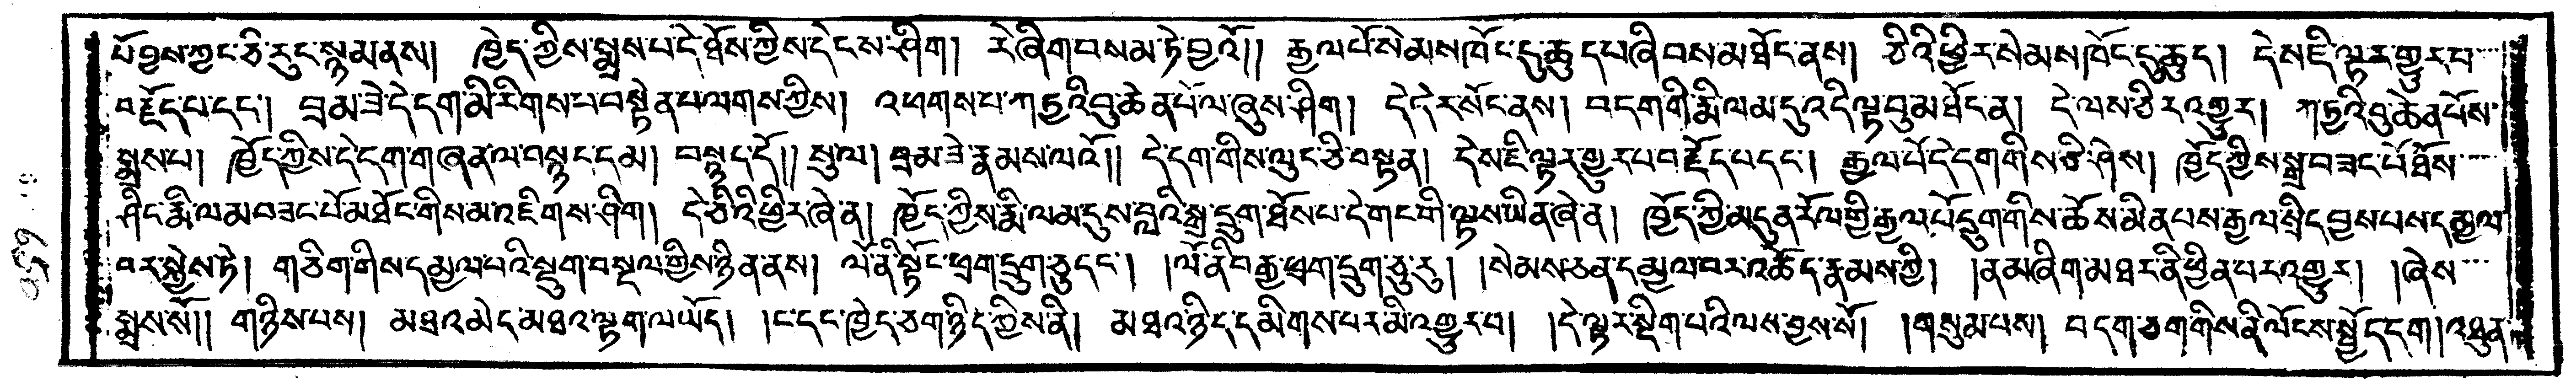པོ་བྱས་ཀྱང་ཅི་རུང་སྙམ་ནས། ཁྱེད་ཀྱིས་སྨྲས་པ་དེ་ཐོས་ཀྱིས་དེངས་ཤིག། རེ་ཞིག་བསམ་ཏེ་བྱའོ།། རྒྱལ་པོ་སེམས་ཁོང་དུ་ཆུད་བཞི་བས་མཐོང་ནས། ཅིའི་ཕྱིར་སེམས་ཁོང་དུ་ཆུད། དེས་ཇི་ལྟར་གྱུར་བ་
བརྗོད་པ་དང་། བྲམ་ཟེ་དེ་དག་མི་རིགས་པ་བསྟེན་པ་ལགས་ཀྱིས། འཕགས་པ་ཏྱའི་བུ་ཆེན་པོ་ལ་ཞུས་ཤིག། དེ་དེར་སོང་ནས། བདག་གི་རྨི་ལམ་དུ་འདི་ལྟ་བུ་མཐོང་ན། དེ་ལས་ཅིར་འགྱུར། ཀ་ཏྱའི་བུ་ཆེན་པོས་
སྨྲས་པ། ཁྱོད་ཀྱིས་དེ་དག་གཞན་ལ་བསྙད་དམ། བསྙད་དོ།། སུ་ལ། བྲམ་ཟེ་རྣམས་ལའོ།། དེ་དག་གིས་ལུང་ཅི་བསྟན། དེས་ཇི་ལྟར་གྱུར་བ་བརྗོད་པ་དང་། རྒྱལ་པོ་དེ་དག་གིས་ཅི་ཤེས། ཁྱོད་ཀྱིས་སྒྲ་བཟང་པོ་ཐོས་
ཤིང་རྨི་ལམ་བཟང་པོ་མཐོང་གིས་མ་འཇིགས་ཤིག། དེ་ཅིའི་ཕྱིར་ཞེ་ན། ཁྱོད་ཀྱིས་རྨི་ལམ་དུས་བླའི་སྒྲ་དྲུག་ཐོས་པ་དེ་གང་གི་ལྟས་ཡིན་ཞེ་ན། ཁྱོད་ཀྱིས་མདུན་རོལ་གྱི་རྒྱལ་པོ་དྲུག་གིས་ཆོས་མིན་པས་རྒྱལ་སྲིད་བྱས་པས་དམྱལ་
བར་སྐྱེས་ཏེ། གཅིག་གིས་དམྱལ་བའི་སྡུག་བསྔལ་གྱིས་ཉིན་ནས། ལོ་ནི་སྟོང་ཕྲག་དྲུག་ཅུ་དང་། །ལོ་ནི་བརྒྱ་ཕྲག་དྲུག་ཅུ་རུ། སེམས་ཅན་དམྱལ་བར་འཆོད་རྣམས་ཀྱི། །ནམ་ཞིག་མཐར་ནི་ཕྱིན་པར་འགྱུར། །ཞེས་
སྨྲས་སོ། །གཉིས་པས། མཐའ་མེད་མཐའ་ལྟག་ལ་ཡོད། །ང་དང་ཁྱེད་ཅག་ཉིད་ཀྱིས་ནི། མཐའ་ཉིད་དམིགས་པར་མི་འགྱུར་པ། །དེ་ལྟར་སྡིག་པའི་ལས་བྱས་སོ། །གསུམ་པས། བདག་ཅག་གིས་ནི་ལོངས་སྤྱོད་དག། འཐུན་